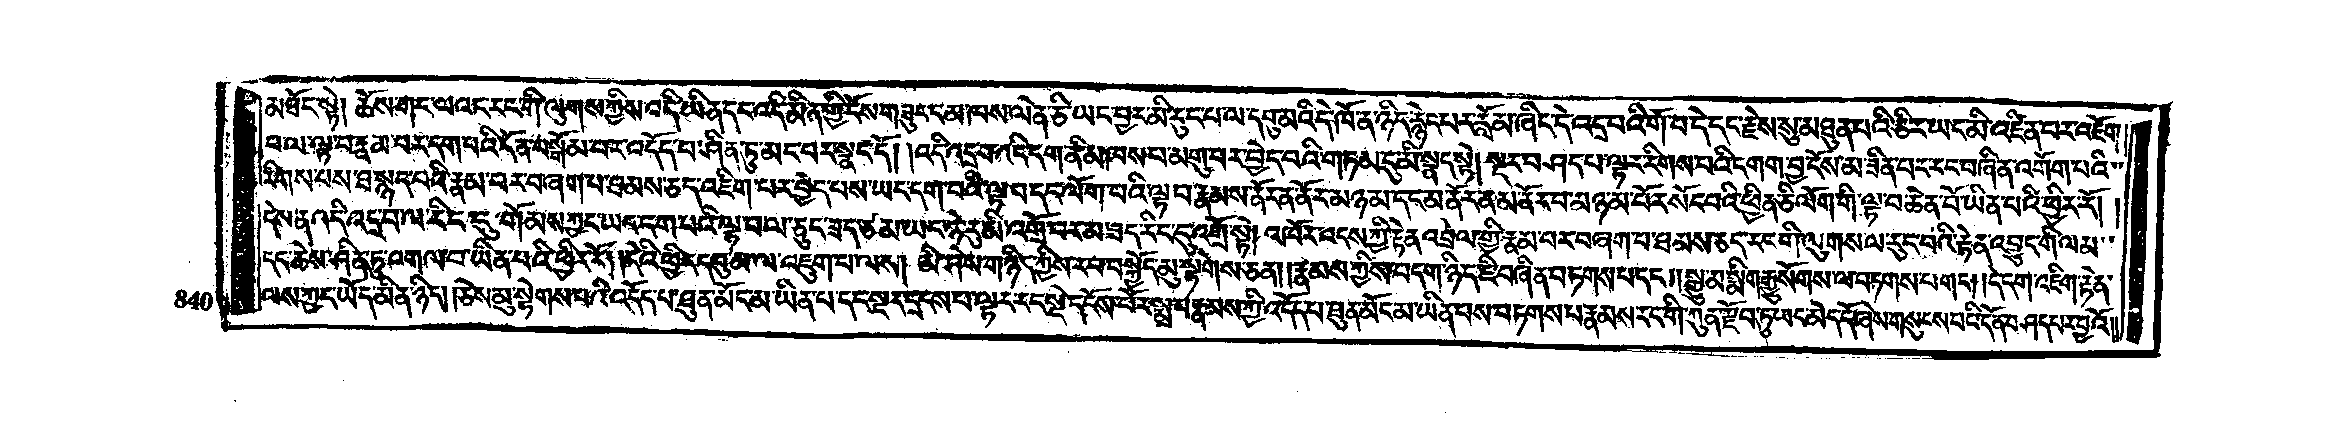མཐོང་སྟེ། ཆོས་གང་ལའང་རང་གི་ལུགས་ཀྱིས་འདི་ཡིན་དང་འདི་མིན་གྱི་ངོས་གཟུང་དམ་ཁས་ལེན་ཅི་ཡང་བྱར་མི་རུང་བ་ལ་དབུ་མའི་དེ་ཁོ་ན་ཉིད་རྙེད་པར་རློམ་ཞིང་དེ་འདྲ་བའི་གོ་བ་དེ་དང་རྗེས་སུ་མཐུན་པའི་ཅིར་ཡང་མི་འཛིན་པར་འཇོག་
པ་ལ་ལྟ་བ་རྣམ་པར་དག་པའི་དོན་བསྒོམ་པར་འདོད་པ་ཤིན་ཏུ་མང་བར་སྣང་ངོ། །འདི་འདྲ་བ་འདི་དག་ནི་མཁས་པ་མགུ་བར་བྱེད་པའི་གཏམ་དུ་མི་སྣང་སྟེ། སྔར་བཤད་པ་ལྟར་རིགས་པའི་དགག་བྱ་ངོས་མ་ཟིན་པར་རང་བཞིན་འགོག་པའི་
རིགས་པས་ཐ་སྙད་པའི་རྣམ་པར་བཞག་པ་ཐམས་ཅད་འཇིག་པར་བྱེད་པས་ཡང་དག་པའི་ལྟ་བ་དང་ལོག་པའི་ལྟ་བ་རྣམས་ནོར་ན་ནོར་མཉམ་དང་མ་ནོར་བ་མཉམ་པོར་སོང་བའི་ཕྱིན་ཅི་ལོག་གི་ལྟ་བ་ཆེན་པོ་ཡིན་པའི་ཕྱིར་རོ། །
དེས་ན་འདི་འདྲ་བ་ལ་རིང་དུ་གོམས་ཀྱང་ཡང་དག་པའི་ལྟ་བ་ལ་ཅུང་ཟད་ཙམ་ཡང་ཉེ་རུ་མི་འགྲོ་བར་མ་ཟད་རིང་དུ་འགྲོ་སྟེ། འཁོར་འདས་ཀྱི་རྟེན་འབྲེལ་གྱི་རྣམ་པར་བཞག་པ་ཐམས་ཅད་རང་གི་ལུགས་ལ་རུང་བའི་རྟེན་འབྱུང་གི་ལམ་
དང་ཆེས་ཤིན་ཏུ་འགལ་བ་ཡིན་པའི་ཕྱིར་རོ། །དེའི་ཕྱིར་དབུ་མ་ལ་འཇུག་པ་ལས། མི་ཤེས་གཉིད་ཀྱིས་རབ་བསྐྱོད་མུ་སྟེགས་ཅན། །རྣམས་ཀྱིས་བདག་ཉིད་ཇི་བཞིན་བཏགས་པ་དང་། །སྒྱུ་མ་སྨིག་རྒྱུ་སོགས་ལ་བཏགས་པ་གང་། །དེ་དག་འཇིག་རྟེན་
ལས་ཀྱང་ཡོད་མིན་ཉིད། །ཅེས་མུ་སྟེགས་པའི་འདོད་པ་ཐུན་མོང་མ་ཡིན་པ་དང་སྔར་དྲངས་པ་ལྟར་རང་སྡེ་དངོས་པོར་སྨྲ་བ་རྣམས་ཀྱི་འདོད་པ་ཐུན་མོང་མ་ཡིན་པས་བཏགས་པ་རྣམས་རང་གི་ཀུན་རྫོབ་ཏུ་ཡང་མེད་དོ་ཞེས་གསུངས་པའི་དོན་བཤད་པར་བྱའོ།